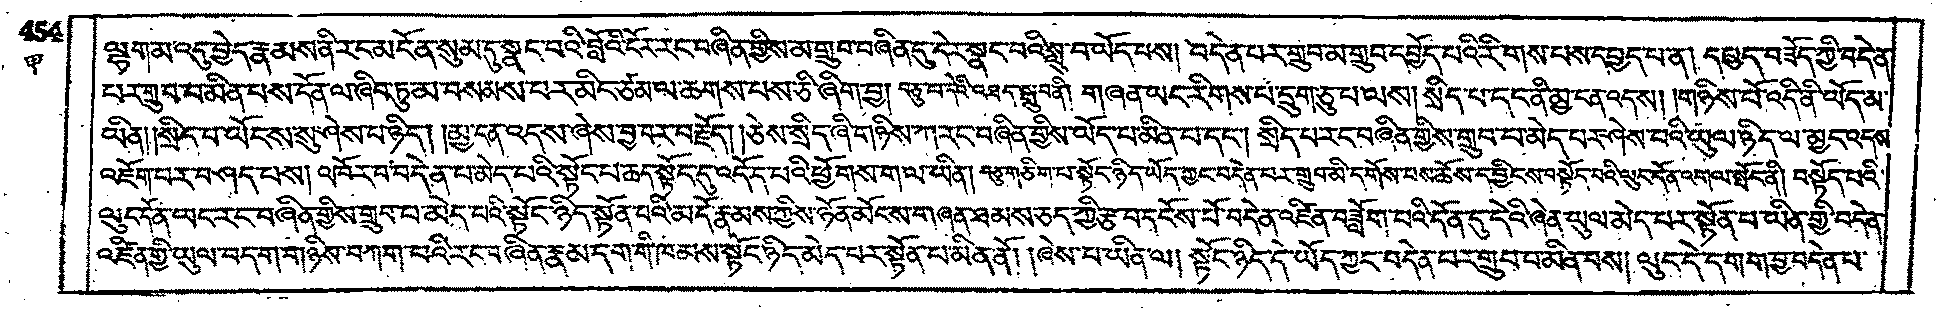ལྷག་མ་འདུ་བྱེད་རྣམས་ནི་རང་མངོན་སུམ་དུ་སྣང་བའི་བློའི་ངོར་རང་བཞིན་གྱིས་མ་གྲུབ་བཞིན་དུ་དེར་སྣང་བའི་སླུ་བ་ཡོད་པས། བདེན་པར་གྲུབ་མ་གྲུབ་དཔྱོད་པའི་རིགས་པས་དཔྱད་པ་ན། དཔྱད་བཟོད་ཀྱི་བདེན་
པར་གྲུབ་པ་མིན་པས་དོན་ལ་ཞིབ་ཏུ་མ་བསམས་པར་མིང་ཙམ་ལ་ཆགས་པས་ཅི་ཞིག་བྱ། བཅུ་པ་དེའི་འཐད་སྒྲུབ་ནི།  གཞན་ཡང་རིགས་པ་དྲུག་ཅུ་པ་ལས། སྲིད་པ་དང་ནི་མྱ་ངན་འདས། །གཉིས་པོ་འདི་ནི་ཡོད་མ་
ཡིན། །སྲིད་པ་ཡོངས་སུ་ཤེས་པ་ཉིད། །མྱ་ངན་འདས་ཞེས་བྱ་བར་བརྗོད། །ཅེས་སྲིད་ཞི་གཉིས་ཀ་རང་བཞིན་གྱིས་ཡོད་པ་མིན་པ་དང་། སྲིད་པ་རང་བཞིན་གྱིས་གྲུབ་པ་མེད་པར་ཤེས་པའི་ཡུལ་ཉིད་ལ་མྱང་འདས་
འཇོག་པར་བཤད་པས། འཁོར་བ་བདེན་པ་མེད་པའི་སྟོང་པ་ཆད་སྟོང་དུ་འདོད་པའི་ཕྱོགས་ག་ལ་ཡིན། བཅུ་གཅིག་པ་སྟོང་ཉིད་ཡོད་ཀྱང་བདེན་པར་གྲུབ་མི་དགོས་པས་ཆོས་དབྱིངས་བསྟོད་པའི་ལུང་དོན་འགལ་སྤོང་ནི།  བསྟོད་པའི་
ལུང་དོན་ཡང་རང་བཞིན་གྱིས་གྲུབ་པ་མེད་པའི་སྟོང་ཉིད་སྟོན་པའི་མདོ་རྣམས་ཀྱིས་ཉོན་མོངས་གཞན་ཐམས་ཅད་ཀྱི་རྩ་བ་དངོས་པོ་བདེན་འཛིན་བཟློག་པའི་དོན་དུ་དེའི་ཞེན་ཡུལ་མེད་པར་སྟོན་པ་ཡིན་གྱི་བདེན་
འཛིན་གྱི་ཡུལ་བདག་གཉིས་བཀག་པའི་རང་བཞིན་རྣམ་དག་གི་ཁམས་སྟོང་ཉིད་མེད་པར་སྟོན་པ་མིན་ནོ། །ཞེས་པ་ཡིན་ལ། སྟོང་ཉིད་དེ་ཡོད་ཀྱང་བདེན་པར་གྲུབ་པ་མིན་པས། ལུང་དེ་དགག་བྱ་བདེན་པ་